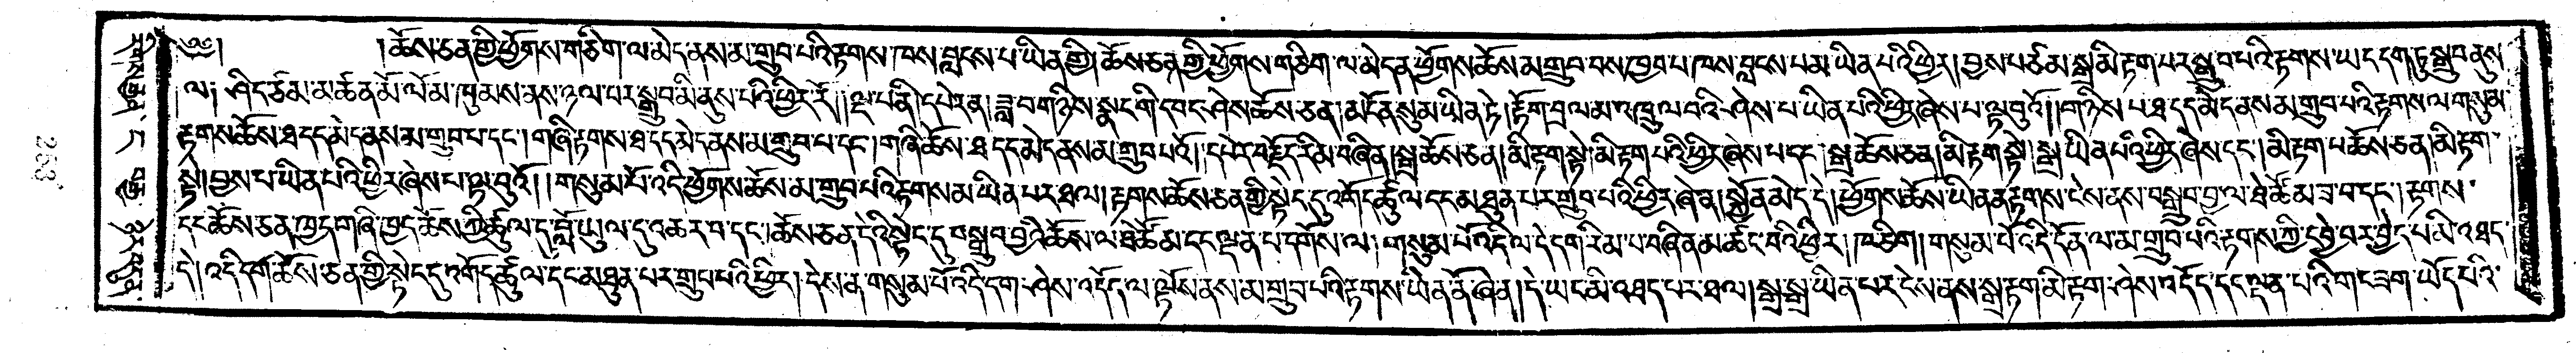༄༅། །ཆོས་ཅན་གྱི་ཕྱོགས་གཅིག་ལ་མེད་ནས་མ་གྲུབ་པའི་རྟགས་ཁས་བླངས་པ་ཡིན་གྱི། ཆོས་ཅན་གྱི་ཕྱོགས་གཅིག་ལ་མེད་ན་ཕྱོགས་ཆོས་མ་གྲུབ་པས་ཁྱབ་པ་ཁས་བླངས་པ་མ་ཡིན་པའི་ཕྱིར། བྱས་པ་ཙམ་སྒྲ་མི་རྟག་པར་སྒྲུབ་པའི་རྟགས་ཡང་དག་ཏུ་སྒྲུབ་ནུས་
ལ༑ ཤིང་ཙམ་མཚན་མོ་ལོ་མ་ཁུམས་ནས་ཉལ་བར་སྒྲུབ་མི་ནུས་པའི་ཕྱིར་རོ། །ལྔ་པ་ནི། དཔེར་ན། ཟླ་བ་གཉིས་སྣང་གི་དབང་ཤེས་ཆོས་ཅན། མངོན་སུམ་ཡིན་ཏེ། རྟོག་བྲལ་མ་འཁྲུལ་བའི་ཤེས་པ་ཡིན་པའི་ཕྱིར་ཞེས་པ་ལྟ་བུའོ། །གཉིས་པ་ཐ་དད་མེད་ནས་མ་གྲུབ་པའི་རྟགས་ལ་གསུམ།
རྟགས་ཆོས་ཐ་དད་མེད་ནས་མ་གྲུབ་པ་དང་། གཞི་རྟགས་ཐ་དད་མེད་ནས་མ་གྲུབ་པ་དང་། གཞི་ཆོས་ཐ་དད་མེད་ནས་མ་གྲུབ་པའོ། །དཔེར་བརྗོད་རིམ་བཞིན། སྒྲ་ཆོས་ཅན། མི་རྟག་སྟེ། མི་རྟག་པའི་ཕྱིར་ཞེས་པ་དང་། སྒྲ་ཆོས་ཅན། མི་རྟག་སྟེ། སྒྲ་ཡིན་པའི་ཕྱིར་ཞེས་དང་། མི་རྟག་པ་ཆོས་ཅན། མི་རྟག་
སྟེ། བྱས་པ་ཡིན་པའི་ཕྱིར་ཞེས་པ་ལྟ་བུའོ། །གསུམ་པོ་འདི་ཕྱོགས་ཆོས་མ་གྲུབ་པའི་རྟགས་མ་ཡིན་པར་ཐལ། རྟགས་ཆོས་ཅན་གྱི་སྟེང་དུ་འགོད་ཚུལ་དང་མཐུན་པར་གྲུབ་པའི་ཕྱིར་ཞེ་ན། སྐྱོན་མེད་དེ། ཕྱོགས་ཆོས་ཡིན་ན་རྟགས་ངེས་ནས་བསྒྲུབ་བྱ་ལ་ཐེ་ཚོམ་ཟ་བ་དང་། རྟགས་
དང་ཆོས་ཅན་ཁྱད་གཞི་ཁྱད་ཆོས་ཀྱི་ཚུལ་དུ་བློ་ཡུལ་དུ་འཆར་བ་དང་། ཆོས་ཅན་དེའི་སྟེང་དུ་བསྒྲུབ་བྱའི་ཆོས་ལ་ཐེ་ཚོམ་དང་ལྡན་པ་དགོས་ལ། གསུམ་པོ་འདི་ལ་དེ་དག་རིམ་པ་བཞིན་མ་ཚང་བའི་ཕྱིར། ཁ་ཅིག །གསུམ་པོ་འདི་དོན་ལ་མ་གྲུབ་པའི་རྟགས་ཀྱི་དབྱེ་བར་བྱེད་པ་མི་འཐད་
དེ༑ འདི་དག་ཆོས་ཅན་གྱི་སྟེང་དུ་འགོད་ཚུལ་དང་མཐུན་པར་གྲུབ་པའི་ཕྱིར། དེས་ན་གསུམ་པོ་འདི་དག་ཤེས་འདོད་ལ་ལྟོས་ནས་མ་གྲུབ་པའི་རྟགས་ཡིན་ནོ་ཞེ་ན། དེ་ཡང་མི་འཐད་པར་ཐལ། སྒྲ་སྒྲ་ཡིན་པར་ངེས་ནས་སྒྲ་རྟག་མི་རྟག་ཤེས་འདོད་དང་ལྡན་པའི་གང་ཟག་ཡོད་པའི་